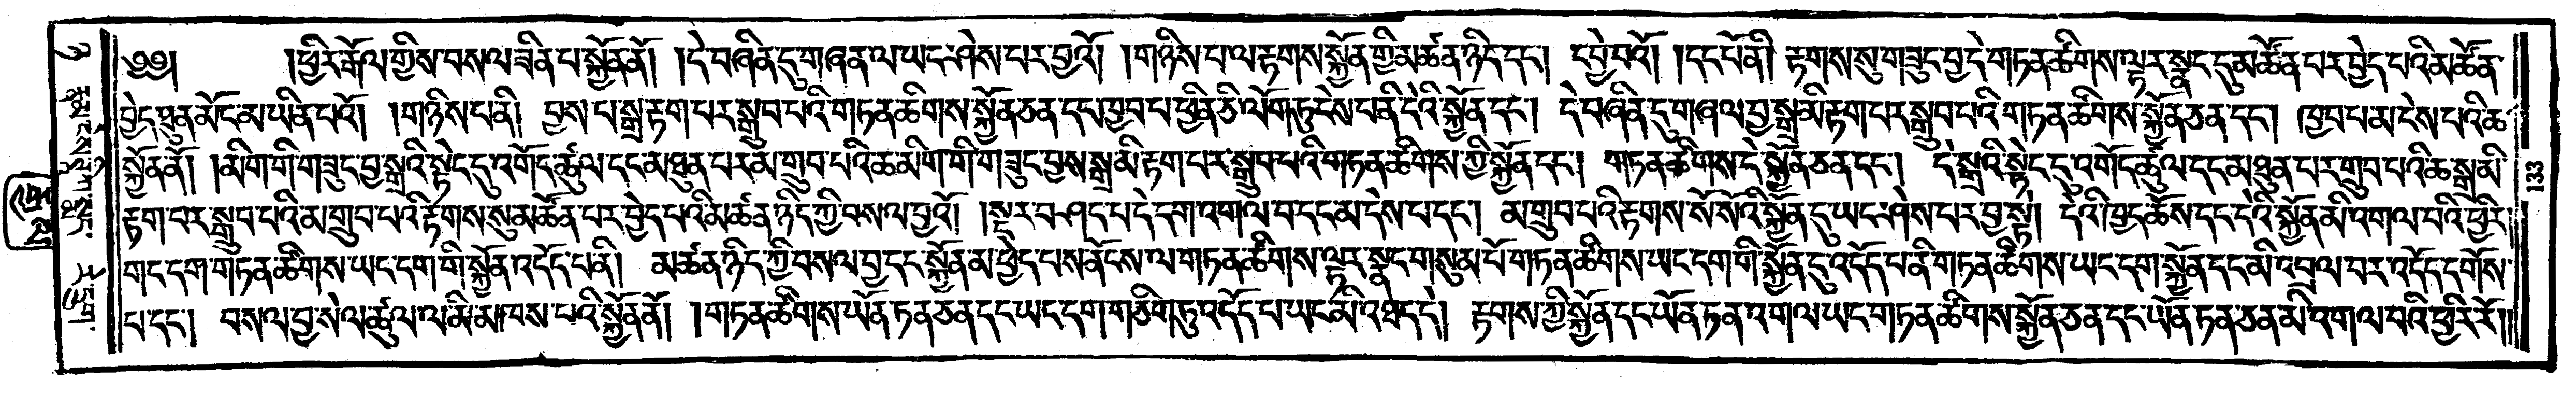༄༅། །ཕྱིར་རྒོལ་གྱིས་བསལ་ཟིན་པ་སྐྱོན་ནོ། །དེ་བཞིན་དུ་གཞན་ལ་ཡང་ཤེས་པར་བྱའོ། །གཉིས་པ་ལ་རྟགས་སྐྱོན་གྱི་མཚན་ཉིད་དང་། དབྱེ་བའོ། །དང་པོ་ནི། རྟགས་སུ་གཟུང་བྱ་དེ་གཏན་ཚིགས་ལྟར་སྣང་དུ་མཚོན་པར་བྱེད་པའི་མཚོན་
བྱེད་ཐུན་མོང་མ་ཡིན་པའོ། །གཉིས་པ་ནི། བྱས་པ་སྒྲ་རྟག་པར་སྒྲུབ་པའི་གཏན་ཚིགས་སྐྱོན་ཅན་དང་ཁྱབ་པ་ཕྱིན་ཅི་ལོག་ཏུ་ངེས་པ་ནི་དེའི་སྐྱོན་དང་། དེ་བཞིན་དུ་གཞལ་བྱ་སྒྲ་མི་རྟག་པར་སྒྲུབ་པའི་གཏན་ཚིགས་སྐྱོན་ཅན་དང་། ཁྱབ་པ་མ་ངེས་པའི་ཆ་
སྐྱོན་ནོ། །མིག་གི་གཟུང་བྱ་སྒྲའི་སྟེང་དུ་འགོད་ཚུལ་དང་མཐུན་པར་མ་གྲུབ་པའི་ཆ་མིག་གི་གཟུང་བྱས་སྒྲ་མི་རྟག་པར་སྒྲུབ་པའི་གཏན་ཚིགས་ཀྱི་སྐྱོན་དང་། གཏན་ཚིགས་དེ་སྐྱོན་ཅན་དང་། དེ་སྒྲའི་སྟེང་དུ་འགོད་ཚུལ་དང་མཐུན་པར་གྲུབ་པའི་ཆ་སྒྲ་མི་
རྟག་པར་སྒྲུབ་པའི་མ་གྲུབ་པའི་རྟགས་སུ་མཚོན་པར་བྱེད་པའི་མཚན་ཉིད་ཀྱི་བསལ་བྱའོ། །སྔར་བཤད་པ་དེ་དག་འགལ་བ་དད་མ་དེས་པ་དང་། མ་གྲུབ་པའི་རྟགས་སོ་སོའི་སྐྱོན་དུ་ཡང་ཤེས་པར་བྱ་སྟེ། དེའི་ཁྱད་ཆོས་དང་དེའི་སྐྱོན་མི་འགལ་བའི་ཕྱིར་
གང་དག་གཏན་ཚིགས་ཡང་དག་གི་སྐྱོན་འདོད་པ་ནི། མཚན་ཉིད་ཀྱི་བསལ་བྱ་དང་སྐྱོན་མ་ཕྱེད་པས་ནོངས་ལ་གཏན་ཚིགས་ལྟར་སྣང་གསུམ་པོ་གཏན་ཚིགས་ཡང་དག་གི་སྐྱོན་དུ་འདོད་པ་ནི་གཏན་ཚིགས་ཡང་དག་སྐྱོན་དང་མི་འབྲལ་བར་འདོད་དགོས་
པ་དང་། བསལ་བྱ་སེལ་ཚུལ་ལ་མི་མཁས་པའི་སྐྱོན་ནོ། །གཏན་ཚིགས་ཡོན་ཏན་ཅན་དང་ཡང་དག་གཅིག་ཏུ་འདོད་པ་ཡང་མི་འཐད་དེ། རྟགས་ཀྱི་སྐྱོན་དང་ཡོན་ཏན་འགལ་ཡང་གཏན་ཚིགས་སྐྱོན་ཅན་དང་ཡོན་ཏན་ཅན་མི་འགལ་བའི་ཕྱིར་རོ།།